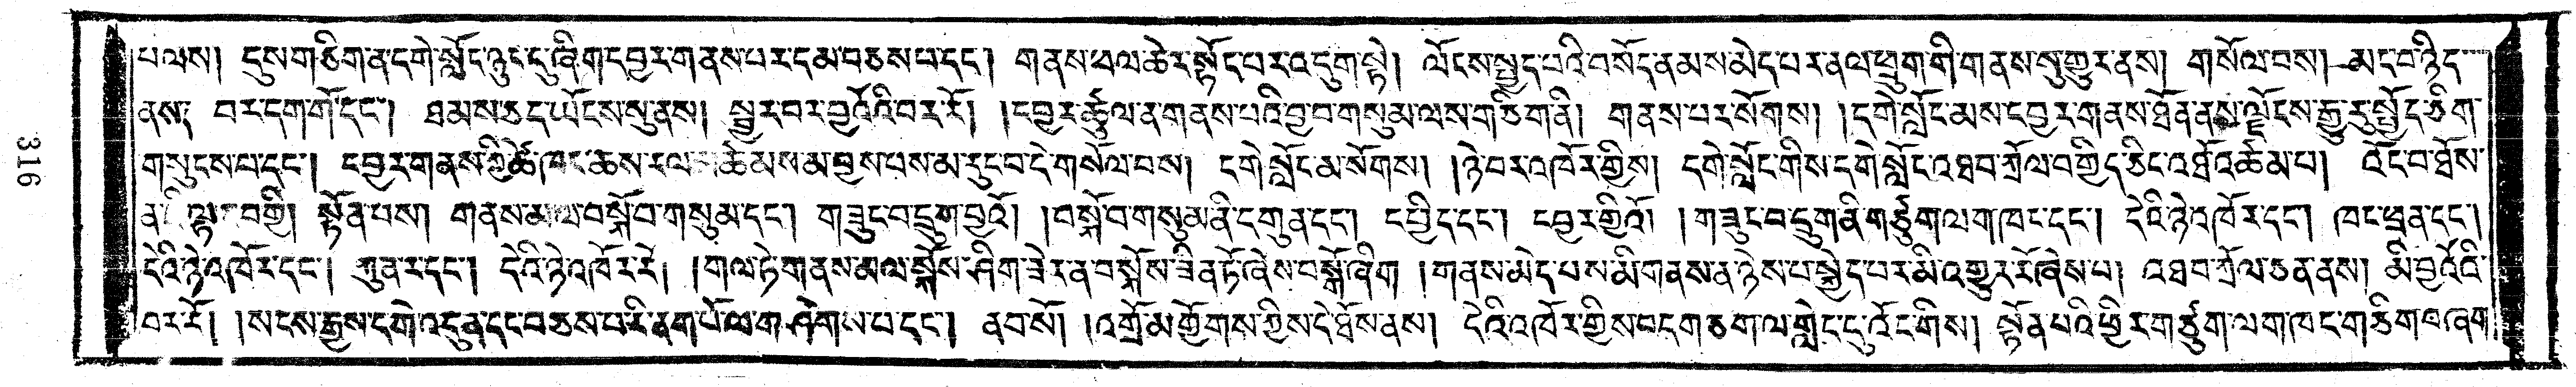པ་ལས། དུས་གཅིག་ན་དགེ་སློང་ཉུང་དུ་ཞིག་དབྱར་གནས་པར་དམ་བཅས་པ་དང་། གནས་ཕལ་ཆེར་སྟོང་བར་འདུག་སྟེ། ལོངས་སྤྱད་པའི་བསོད་ནམས་མེད་པར་ནལ་ཕྲུག་གི་གནས་སུ་གྱུར་ནས། གསོལ་བས། མང་བ་ཉིད་
ནས༑ བར་དག་གོ་དང་། ཐམས་ཅད་ཡོངས་སུ་ནས། སྦྱར་བར་བྱའོའི་བར་རོ། །དབྱར་ཚུལ་ན་གནས་པའི་བྱ་བ་གསུམ་ལས་གཅིག་ནི། གནས་པར་སོགས། །དགེ་སློང་མས་དབྱར་གནས་ཐོན་ནས་ལྗོངས་རྒྱུ་རུ་སྤྱོད་ཅིག་
གསུངས་པ་དང་། དབྱར་གནས་ཀྱི་ཚེ་ཁང་ཆས་རལ་མཚམས་མ་བྱས་པས་མ་རུང་བ་དེ་གསོལ་བས། དགེ་སློང་མ་སོགས། །ཉེ་བར་འཁོར་གྱིས། དགེ་སློང་གིས་དགེ་སློང་འཐབ་ཀྲོལ་བགྱིད་ཅིང་འཐོ་འཚམ་པ། འོང་བ་ཐོས་
ན་ཇི་ལྟར་བགྱི། སྟོན་པས། གནས་མལ་བསྐོབ་གསུམ་དང་། གཟུང་བ་དྲུག་བྱའོ། །བསྐོ་བ་གསུམ་ནི་དགུན་དང་། དཔྱིད་དང་། དབྱར་གྱིའོ། །གཟུང་བ་དྲུག་ནི་གཙུག་ལག་ཁང་དང་། དེའི་ཉེ་འཁོར་དང་། ཁང་ཕྲན་དང་།
དེའི་ཉེ་འཁོར་དང་། ཀུན་ར་དང་། དེའི་ཉེ་འཁོར་རོ། །གལ་ཏེ་གནས་མལ་སྐོས་ཤིག་ཟེར་ན་བསྐོས་ཟིན་ཏོ་ཞེས་བསྒོ་ཞིག །གནས་མེད་པས་མི་གནས་ན་ཉེས་པ་སྐྱེད་པར་མི་འགྱུར་རོ་ཞེས་པ། འཐབ་ཀྲོལ་ཅན་ནས། མི་བྱའོའི་
བར་རོ། །སངས་རྒྱས་དགེ་འདུན་དང་བཅས་པ་རི་ནག་པོ་ལ་གཤེགས་པ་དང་། ནབ་སོ། །འགྲོ་མགྱོགས་ཀྱིས་དེ་ཐོས་ནས། དེའི་འཁོར་གྱིས་བདག་ཅག་ལ་གླེང་དུ་འོང་གིས། སྟོན་པའི་ཕྱིར་གཙུག་ལག་ཁང་གཅིག་བཞག་